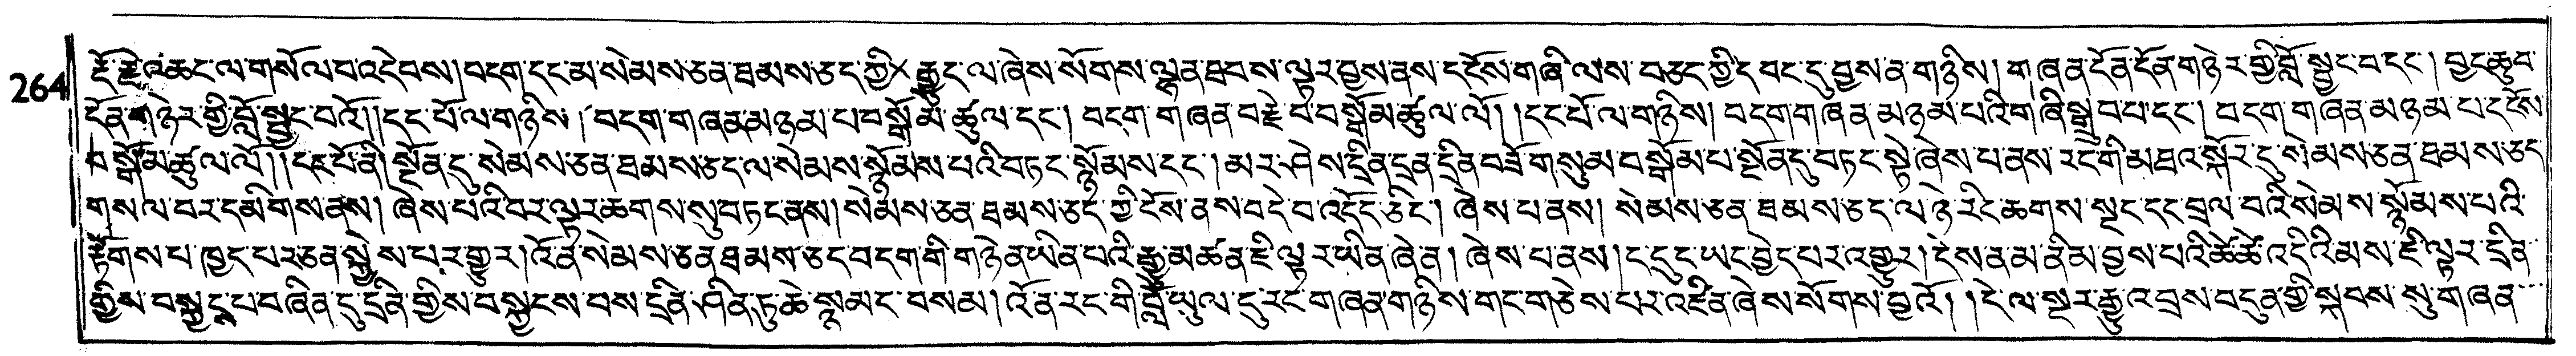རྡོ་རྗེ་འཆང་ལ་གསོལ་བ་འདེབས། བདག་དང་མ་སེམས་ཅན་ཐམས་ཅད་ཀྱི་+་རྒྱུད་ལ་ཞེས་སོགས་ལྷན་ཐབས་ལྟར་བྱས་ནས་དངོས་གཞི་ལས་བཅད་ཀྱི་དབང་དུ་བྱས་ན་གཉིས། གཞན་དོན་དོན་གཉེར་གྱི་བློ་སྦྱང་བ་དང་། བྱང་ཆུབ་
དོན་གཉེར་གྱི་བློ་སྦྱང་བའོ། །དང་པོ་ལ་གཉིས། བདག་གཞན་མཉམ་པ་བསྒོམ་ཚུལ་དང་། བདག་གཞན་བརྗེ་བ་བསྒོམ་ཚུལ་ལོ། །དང་པོ་ལ་གཉིས། བདག་གཞན་མཉམ་པའི་གཞི་སྒྲུབ་པ་དང་། བདག་གཞན་མཉམ་པ་དངོས་
བསྒོམ་ཚུལ་ལོ། །དང་པོ་ནི། སྔོན་དུ་སེམས་ཅན་ཐམས་ཅད་ལ་སེམས་སྙོམས་པའི་བཏང་སྙོམས་དང་། མར་ཤེས་དྲིན་དྲན་དྲིན་བཟོ་གསུམ་བསྒོམ་པ་སྔོན་དུ་བཏང་སྟེ་ཞེས་པ་ནས་རང་གི་མཐའ་སྐོར་དུ་སེམས་ཅན་ཐམས་ཅད་
གསལ་བར་དམིགས་ནས། ཞེས་པའི་བར་ལྟར་ཆགས་སུ་བཏང་ནས། སེམས་ཅན་ཐམས་ཅད་ཀྱི་ངོས་ནས་བདེ་བ་འདོད་ཅིང་། ཞེས་པ་ནས། སེམས་ཅན་ཐམས་ཅད་ལ་ཉེ་རིང་ཆགས་སྡང་དང་བྲལ་བའི་སེམས་སྙོམས་པའི་
རྟོགས་པ་ཁྱད་པར་ཅན་སྐྱེས་པར་གྱུར། འོ་ན་སེམས་ཅན་ཐམས་ཅད་བདག་གི་གཉེན་ཡིན་པའི་རྒྱུ་མཚན་ཇི་ལྟར་ཡིན་ཞེ་ན། ཞེས་པ་ནས། ད་དུང་ཡང་བྱེད་པར་འགྱུར། དེས་ན་མ་ནི་མ་བྱས་པའི་ཚེ་ཚེ་འདིའི་མས་ཇི་ལྟར་དྲིན་
གྱིས་བསྐྱངས་པ་བཞིན་དུ་དྲིན་གྱིས་བསྐྱངས་པས་དྲིན་ཤིན་ཏུ་ཆེ་སྙམ་ང་བསམ། འོ་ན་རང་གི་བློ་ཡུལ་དུ་རང་གཞན་གཉིས་གང་གཅེས་པར་འཛིན་ཞེས་སོགས་བྱའོ། །དེ་ལ་སྔར་རྒྱུ་འབྲས་བདུན་གྱི་སྐབས་སུ་གཞན་